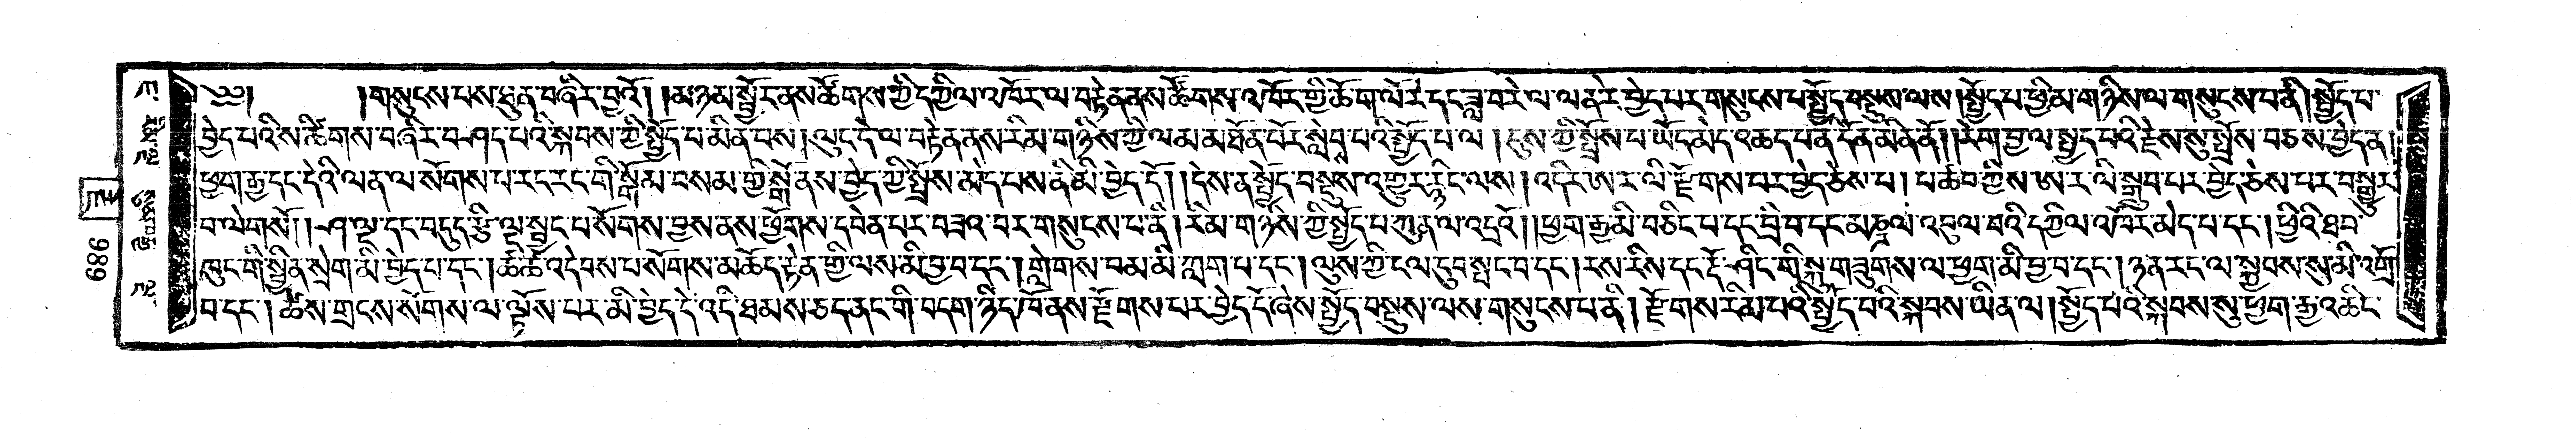༄༅། །གསུངས་པས་ཐུན་བཞིར་བྱའོ། །མཉམ་སྦྱོར་ནས་ཚོགས་ཀྱི་དཀྱིལ་འཁོར་ལ་བརྟེན་ནས་ཚོགས་འཁོར་གྱི་ཆོག་ལོ་ར་དང་ཟླ་བ་རེ་ལ་ལན་རེ་བྱེད་པར་གསུངས་པ་སྤྱོད་བསྡུས་ལས། སྤྱོད་པ་ཕྱི་མ་གཉིས་ལ་གསུངས་པ་ནི། སྤྱོད་པ་
བྱེད་པའི་ས་ཚིགས་བཞིར་བཤད་པའི་སྐབས་ཀྱི་སྤྱོད་པ་མིན་པས། ལུང་དེ་ལ་བརྟེན་ནས་རིམ་གཉིས་ཀྱི་ལམ་མཐོན་པོར་སླེབས་པའི་སྤྱོད་པ་ལ། དུས་ཀྱི་སྤྲོས་པ་ཡོད་མེད་འཆད་པ་ནི་དོན་མིན་ནོ། །རེག་བྱ་ལ་སྤྱད་པའི་རྗེས་སུ་སྤྲོས་བཅས་བྱེད་ན།
ཕྱག་རྒྱ་དང་དེའི་ལན་ལ་སོགས་པ་རང་རང་གི་སྒོམ་བསམ་གྱི་སྒོ་ནས་བྱེད་ཀྱི་སྤྲོས་མེད་པས་ནི་མི་བྱེད་དོ། །དེས་ན་སྤྱོད་བསྡུས་འགྱུར་རྙིང་ལས། འདིར་ཨ་ར་ལི་རྫོགས་པར་བྱེད་ཅེས་པ། པ་ཚབ་ཀྱིས་ཨ་ར་ལི་སྒྲུབ་པར་བྱེད་ཅེས་པར་བསྒྱུར་
བ་ལེགས་སོ། །ཤ་ལྔ་དང་བདུད་རྩི་ལྔ་སྦྱང་པ་སོགས་བྱས་ནས་ཕྱོགས་དབེན་པར་བཟའ་བར་གསུངས་པ་ནི། རིམ་གཉིས་ཀྱི་སྤྱོད་པ་ཀུན་ལ་འདྲའོ། །ཕྱག་རྒྱ་མི་བཅིང་པ་དང་བྲི་བ་དང་མཎྜལ་འབུལ་བའི་དཀྱིལ་འཁོར་མེད་པ་དང་། ཕྱིའི་ཐབ་
ཁུང་གི་སྦྱིན་སྲེག་མི་བྱེད་པ་དང་། ཚ་ཚ་འདེབས་པ་སོགས་མཆོད་རྟེན་གྱི་ལས་མི་བྱ་བ་དང་། གླེགས་བམ་མི་ཀླག་པ་དང་། ལུས་ཀྱི་ངལ་དུབ་སྤང་བ་དང་། རས་རིས་དང་རྡོ་ཤིང་གི་སྐུ་གཟུགས་ལ་ཕྱག་མི་བྱ་བ་དང་། ཉན་རང་ལ་སྐྱབས་སུ་མི་འགྲོ་
བ་དང་། ཚེས་གྲངས་སོགས་ལ་ལྟོས་པར་མི་བྱེད་དེ་འདི་ཐམས་ཅད་ནང་གི་བདག་ཉིད་ཁོ་ནས་རྫོགས་པར་བྱེད་དོ་ཞེས་སྤྱོད་བསྡུས་ལས་གསུངས་པ་ནི། རྫོགས་རིམ་པའི་སྤྱོད་པའི་སྐབས་ཡིན་ལ། སྤྱོད་པའི་སྐབས་སུ་ཕྱག་རྒྱ་འཆིང་